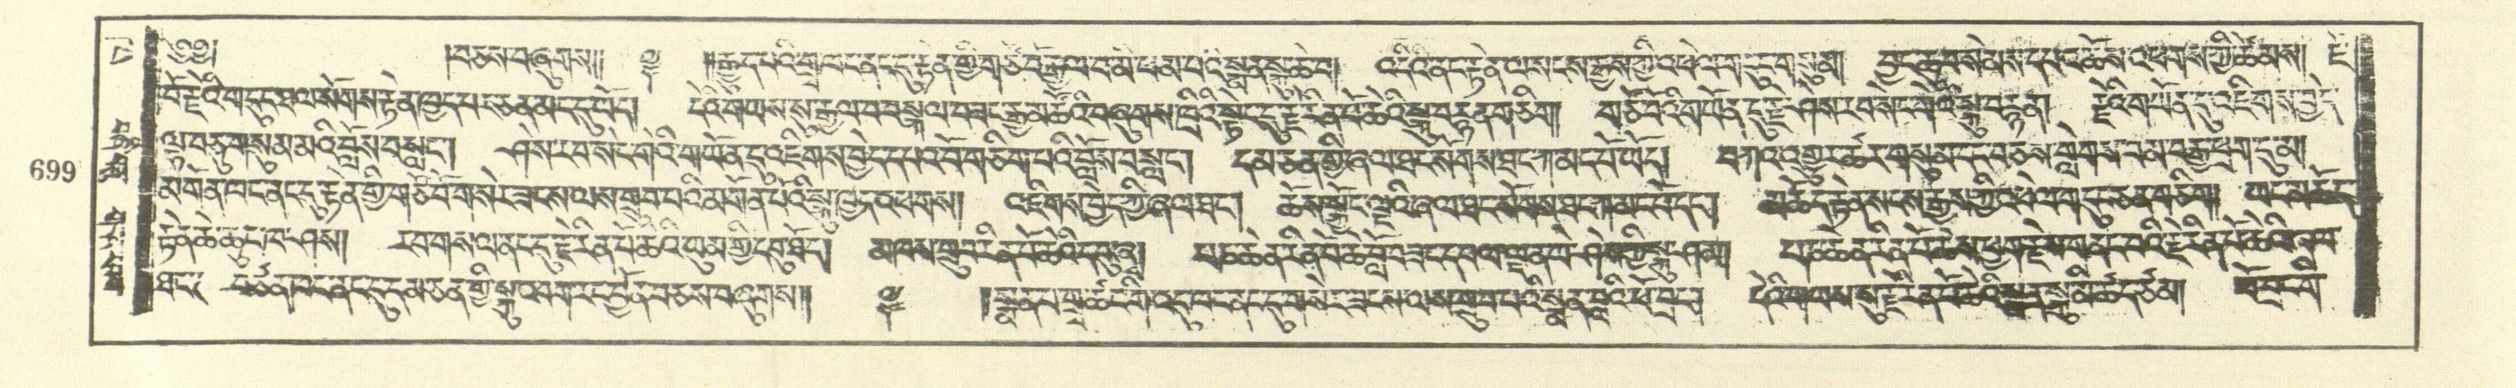༄༅། །བཅས་བཞུགས།། ༈ །།རྒྱུད་པའི་གྲྭ་ཁང་ནང་དུ་རྟེན་གྱི་གཙོ་བོ་རྒྱལ་བ་མི་ཕམ་པའི་སྨན་སྐུ་ཆེ་བ། འདིའི་ནང་རྟེན་ལ་སངས་རྒྱས་ཀྱི་འཕེལ་གདུང་གསུམ། བྱང་ཆུབ་སེམས་དཔའ་ཆོས་འཕགས་ཀྱི་ཚེམས། ཇོ་
བོ་རྗེའི་གདུང་ཐལ་སོགས་རྟེན་ཁྱད་པར་ཅན་མང་དུ་ཡོད། དེའི་གཡས་སུ་རྒྱལ་བ་བསྐལ་བཟང་རྒྱ་མཚོའི་བཞུགས་ཁྲིའི་སྟེང་དུ་རྗེ་རིན་པོ་ཆེའི་སྐུ་བརྙན་གཅིག། གཙོ་བོའི་གཡོན་དུ་རྗེ་ཤེས་རབ་སེང་གེའི་སྐུ་བརྙན། རྗེའི་གཡོན་དུ་འཇིགས་བྱེད་
ལྷ་བཅུ་གསུམ་མའི་བློས་བསླང་། ཤེས་རབ་སེང་གེའི་གཡོན་དུ་འཇིགས་བྱེད་དཔའ་བོ་གཅིག་པའི་བློས་བསླང་། དམ་ཅན་གྱི་ཞལ་ཐང་སོགས་ཐང་ཀ་མང་པོ་ཡོད། བཀའ་འགྱུར་ཚར་གསུམ་དང་བཅས་གླེགས་བམ་བརྒྱ་ཕྲག་དུ་མ།
མགོན་ཁང་ནང་དུ་རྟེན་གྱི་གཙོ་བོ་གསེར་ཟངས་ལས་གྲུབ་པའི་མགོན་པོའི་སྐུ་ཁྱད་འཕགས། འཇིགས་བྱེད་ཀྱི་ཞལ་ཐང་། ཆོས་སྐྱོང་ལྔའི་ཞལ་ཐང་སོགས་ཐང་ཀ་མང་པོ་དང་། མཆོད་རྟེན་སངས་རྒྱས་ཀྱི་འཕེལ་གདུང་ཅན་གཅིག། ཡང་མཆོད་
རྟེན་ཆེ་ཆུང་ཁ་ཤས། རབ་གསལ་ནང་དུ་རྗེ་རིན་པོ་ཆེའི་ཡུམ་གྱི་དབུ་ཐོད། མཁས་གྲུབ་རིན་པོ་ཆེའི་དབུ་ཞྭ། པཎ་ཆེན་རིན་པོ་ཆེ་བློ་བཟང་དཔལ་ལྡན་ཡེ་ཤེས་ཀྱི་སྐུ་ཤམ། པཎ་ཆེན་རིན་པོ་ཆེས་ཕྱག་རྗེས་གནང་བའི་རྗེ་རིན་པོ་ཆེའི་ཞལ་
ཐང༑ བཙན་ཁང་ནང་དུ་དམ་ཅན་གྱི་སྐུ་འབག་རང་བྱོན་བཅས་བཞུགས།། ༈ །།སྨན་པ་གྲྭ་ཚང་གི་འདུ་ཁང་ནང་དུ་གསེར་ཟངས་ལས་གྲུབ་པའི་སྨན་བླའི་ཕོ་བྲང་། དེའི་གཡས་སུ་རྗེ་རིན་པོ་ཆེའི་སྨན་སྐུ་མི་ཚད་ཙམ། ཕོ་བྲང་གི་